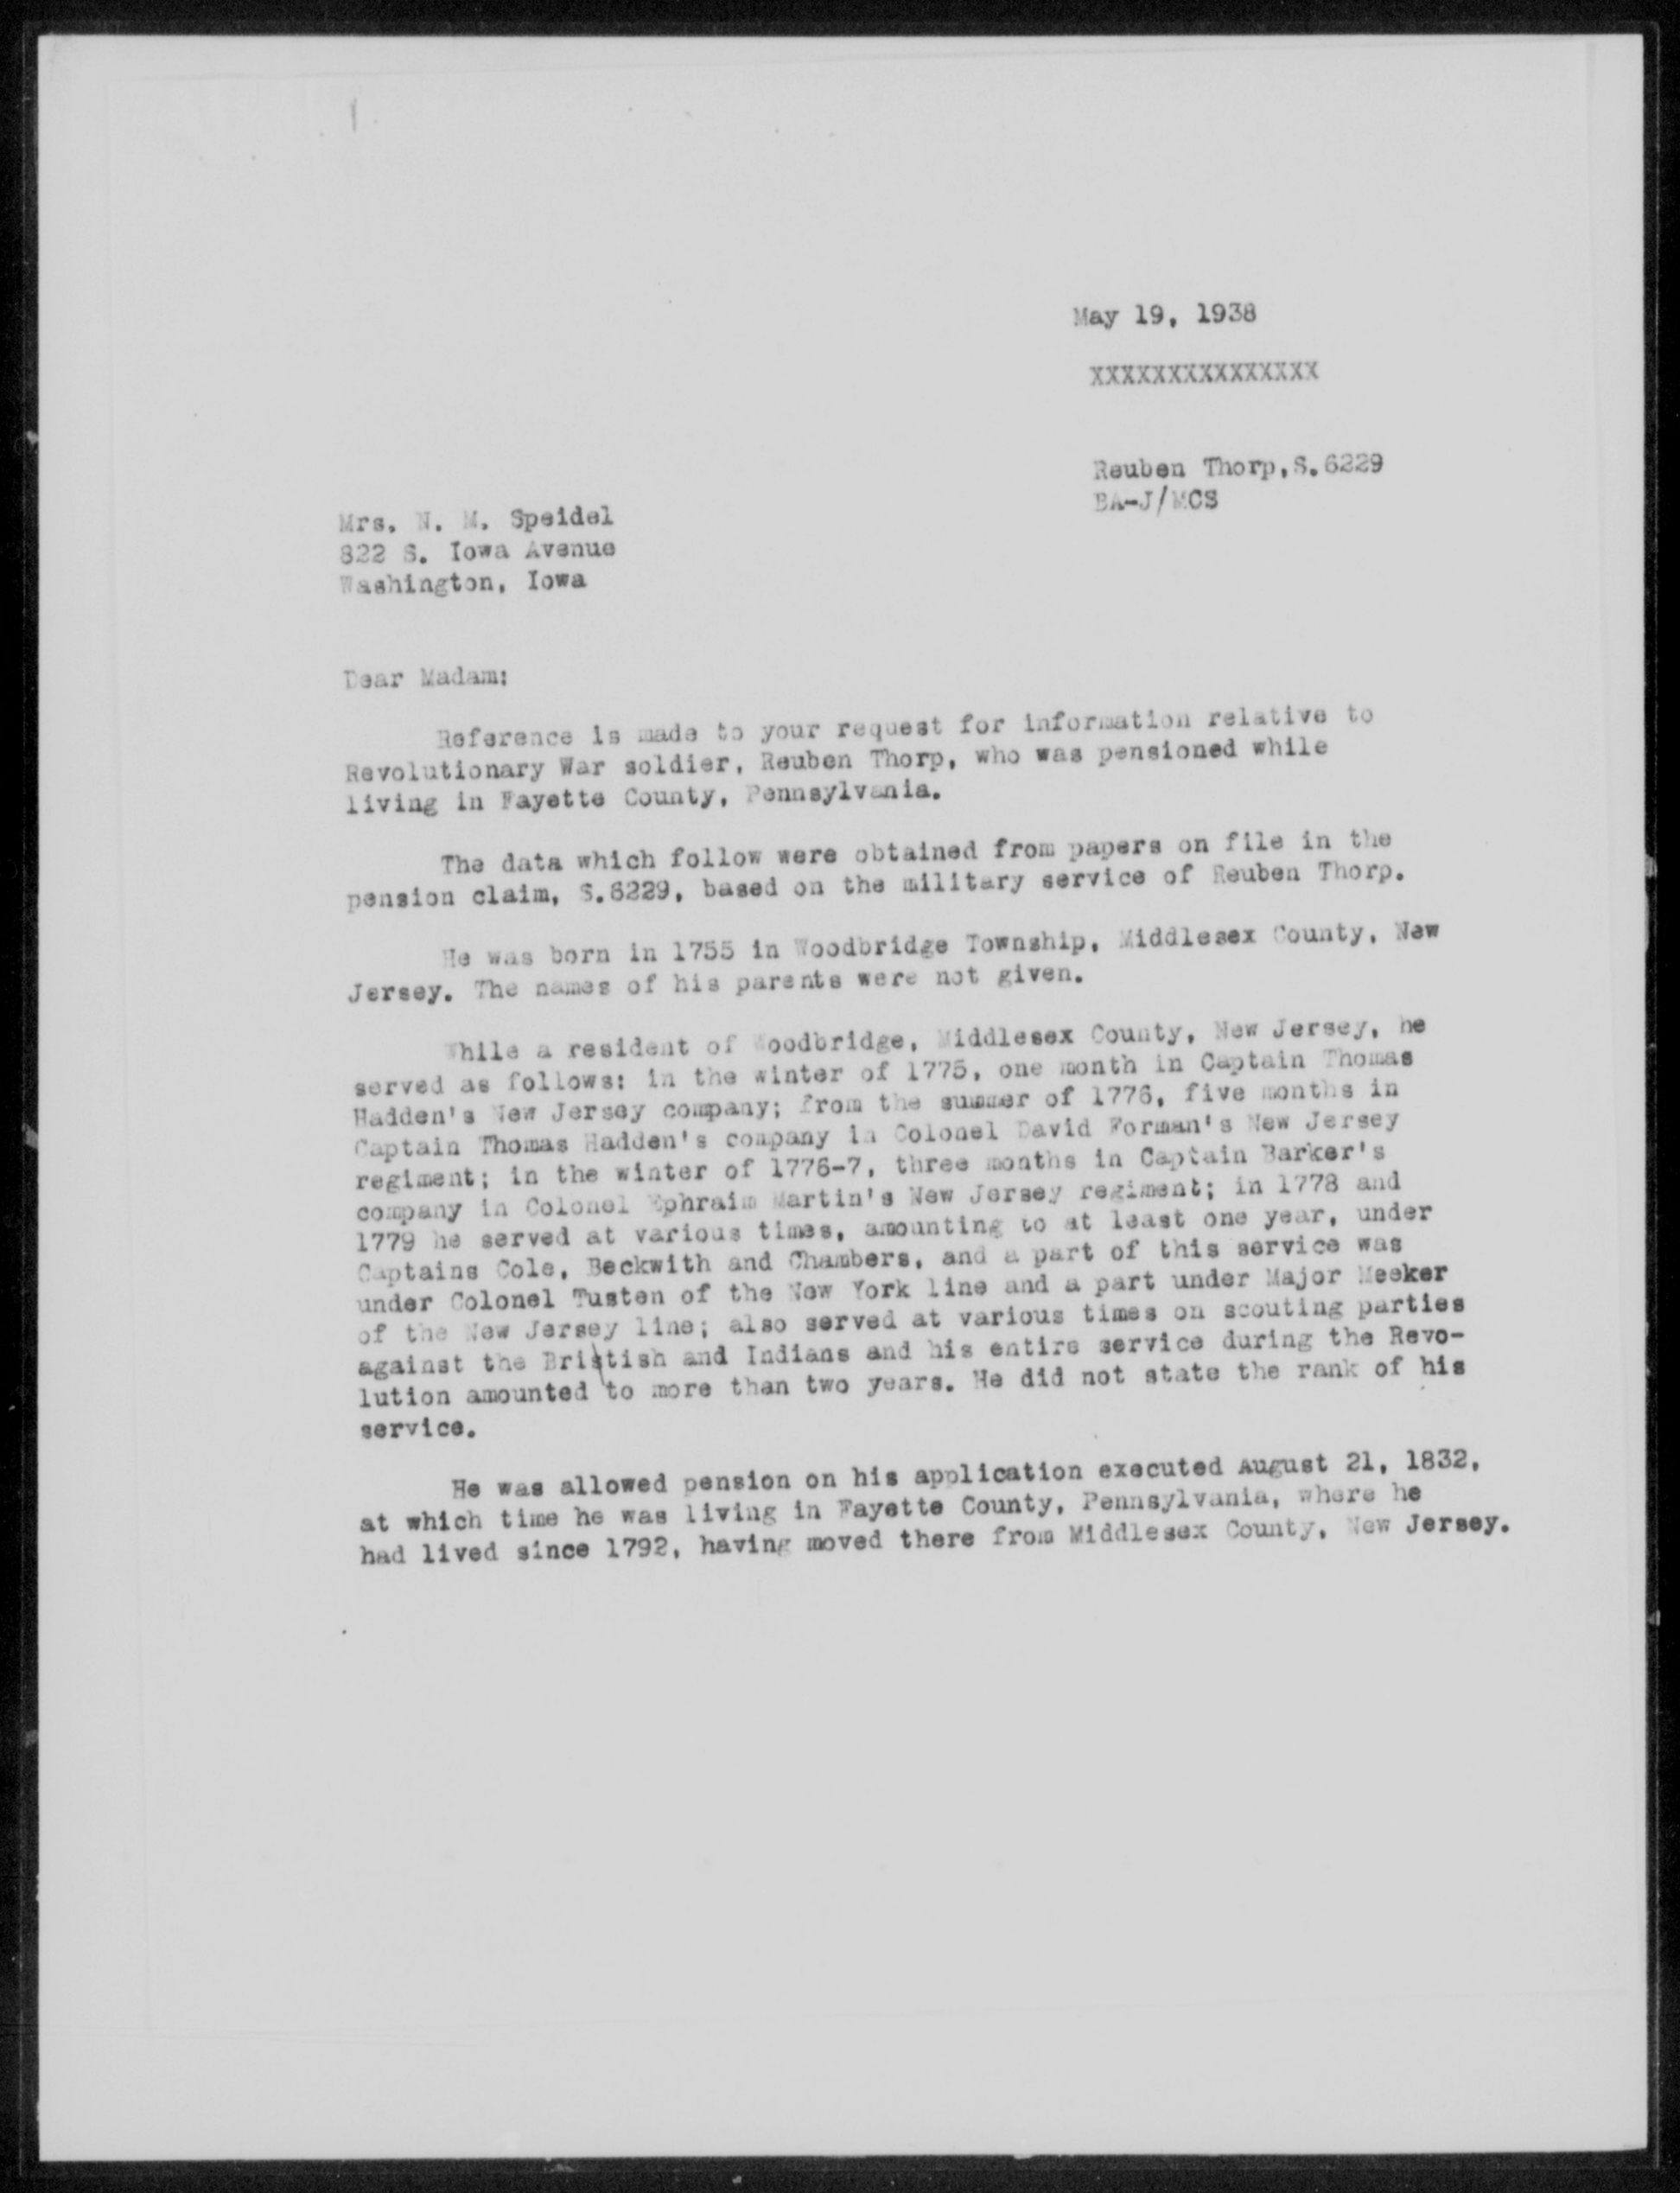May 19, 1938
XXXXXXXXXXXXXXX

Reuben Thorp, S. 6229
BA-J/MCS

Mrs. N. M. Speidel
322 S. Iowa Avenue
Washington, Iowa

Dear Madam:

Reference is made to your request for information relative to Revolutionary War soldier, Reuben Thorp, who was pensioned while living in Fayette County, Pennsylvania.

The data which follow were obtained from papers on file in the pension claim, S.8229, based on the military service of Reuben Thorp.

He was born in 1755 in Woodbridge Township, Middlesex County, New Jersey. The names of his parents were not given.

While a resident of Woodbridge, Middlesex County, New Jersey, he served as follows: in the winter of 1775, one month in Captain Thomas
Hadden's New Jersey Company; from the summer of 1776, five months in Captain Thomas Hadden's company in Colonel David Forman's New Jersey regiment; in the winter of 1776-78, three months in Captain Barker's
company in Colonel Ephraim Martin's New Jersey regiment; in 1778 and 1779 he served at various times, amounting to at least one year, under Captains Cole, Beckwith and Chambers, and a part of this service was under Colonel Tusten of the New York line and a part under Major Meeker of the New Jersey line; also served at various times on scouting parties
against the British and Indians and his entire service during the Revolution amounted to more than two years. He did not state the rank of his
service.

He was allowed pension on his application executed August 21, 1832, at which time he was living in Fayette County, Pennsylvania, where he
had lived since 1792, having moved there from Middlesex County, New Jersey.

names: Reuben Thorp; N M Speidel; Reuben Thorp; [BLANK] Beckwith; Reuben Thorp; [BLANK] Chambers; [BLANK] Tusten; [BLANK] Meeker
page: 10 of 28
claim: survivor's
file: S. 6229, for Reuben Thorp, New Jersey